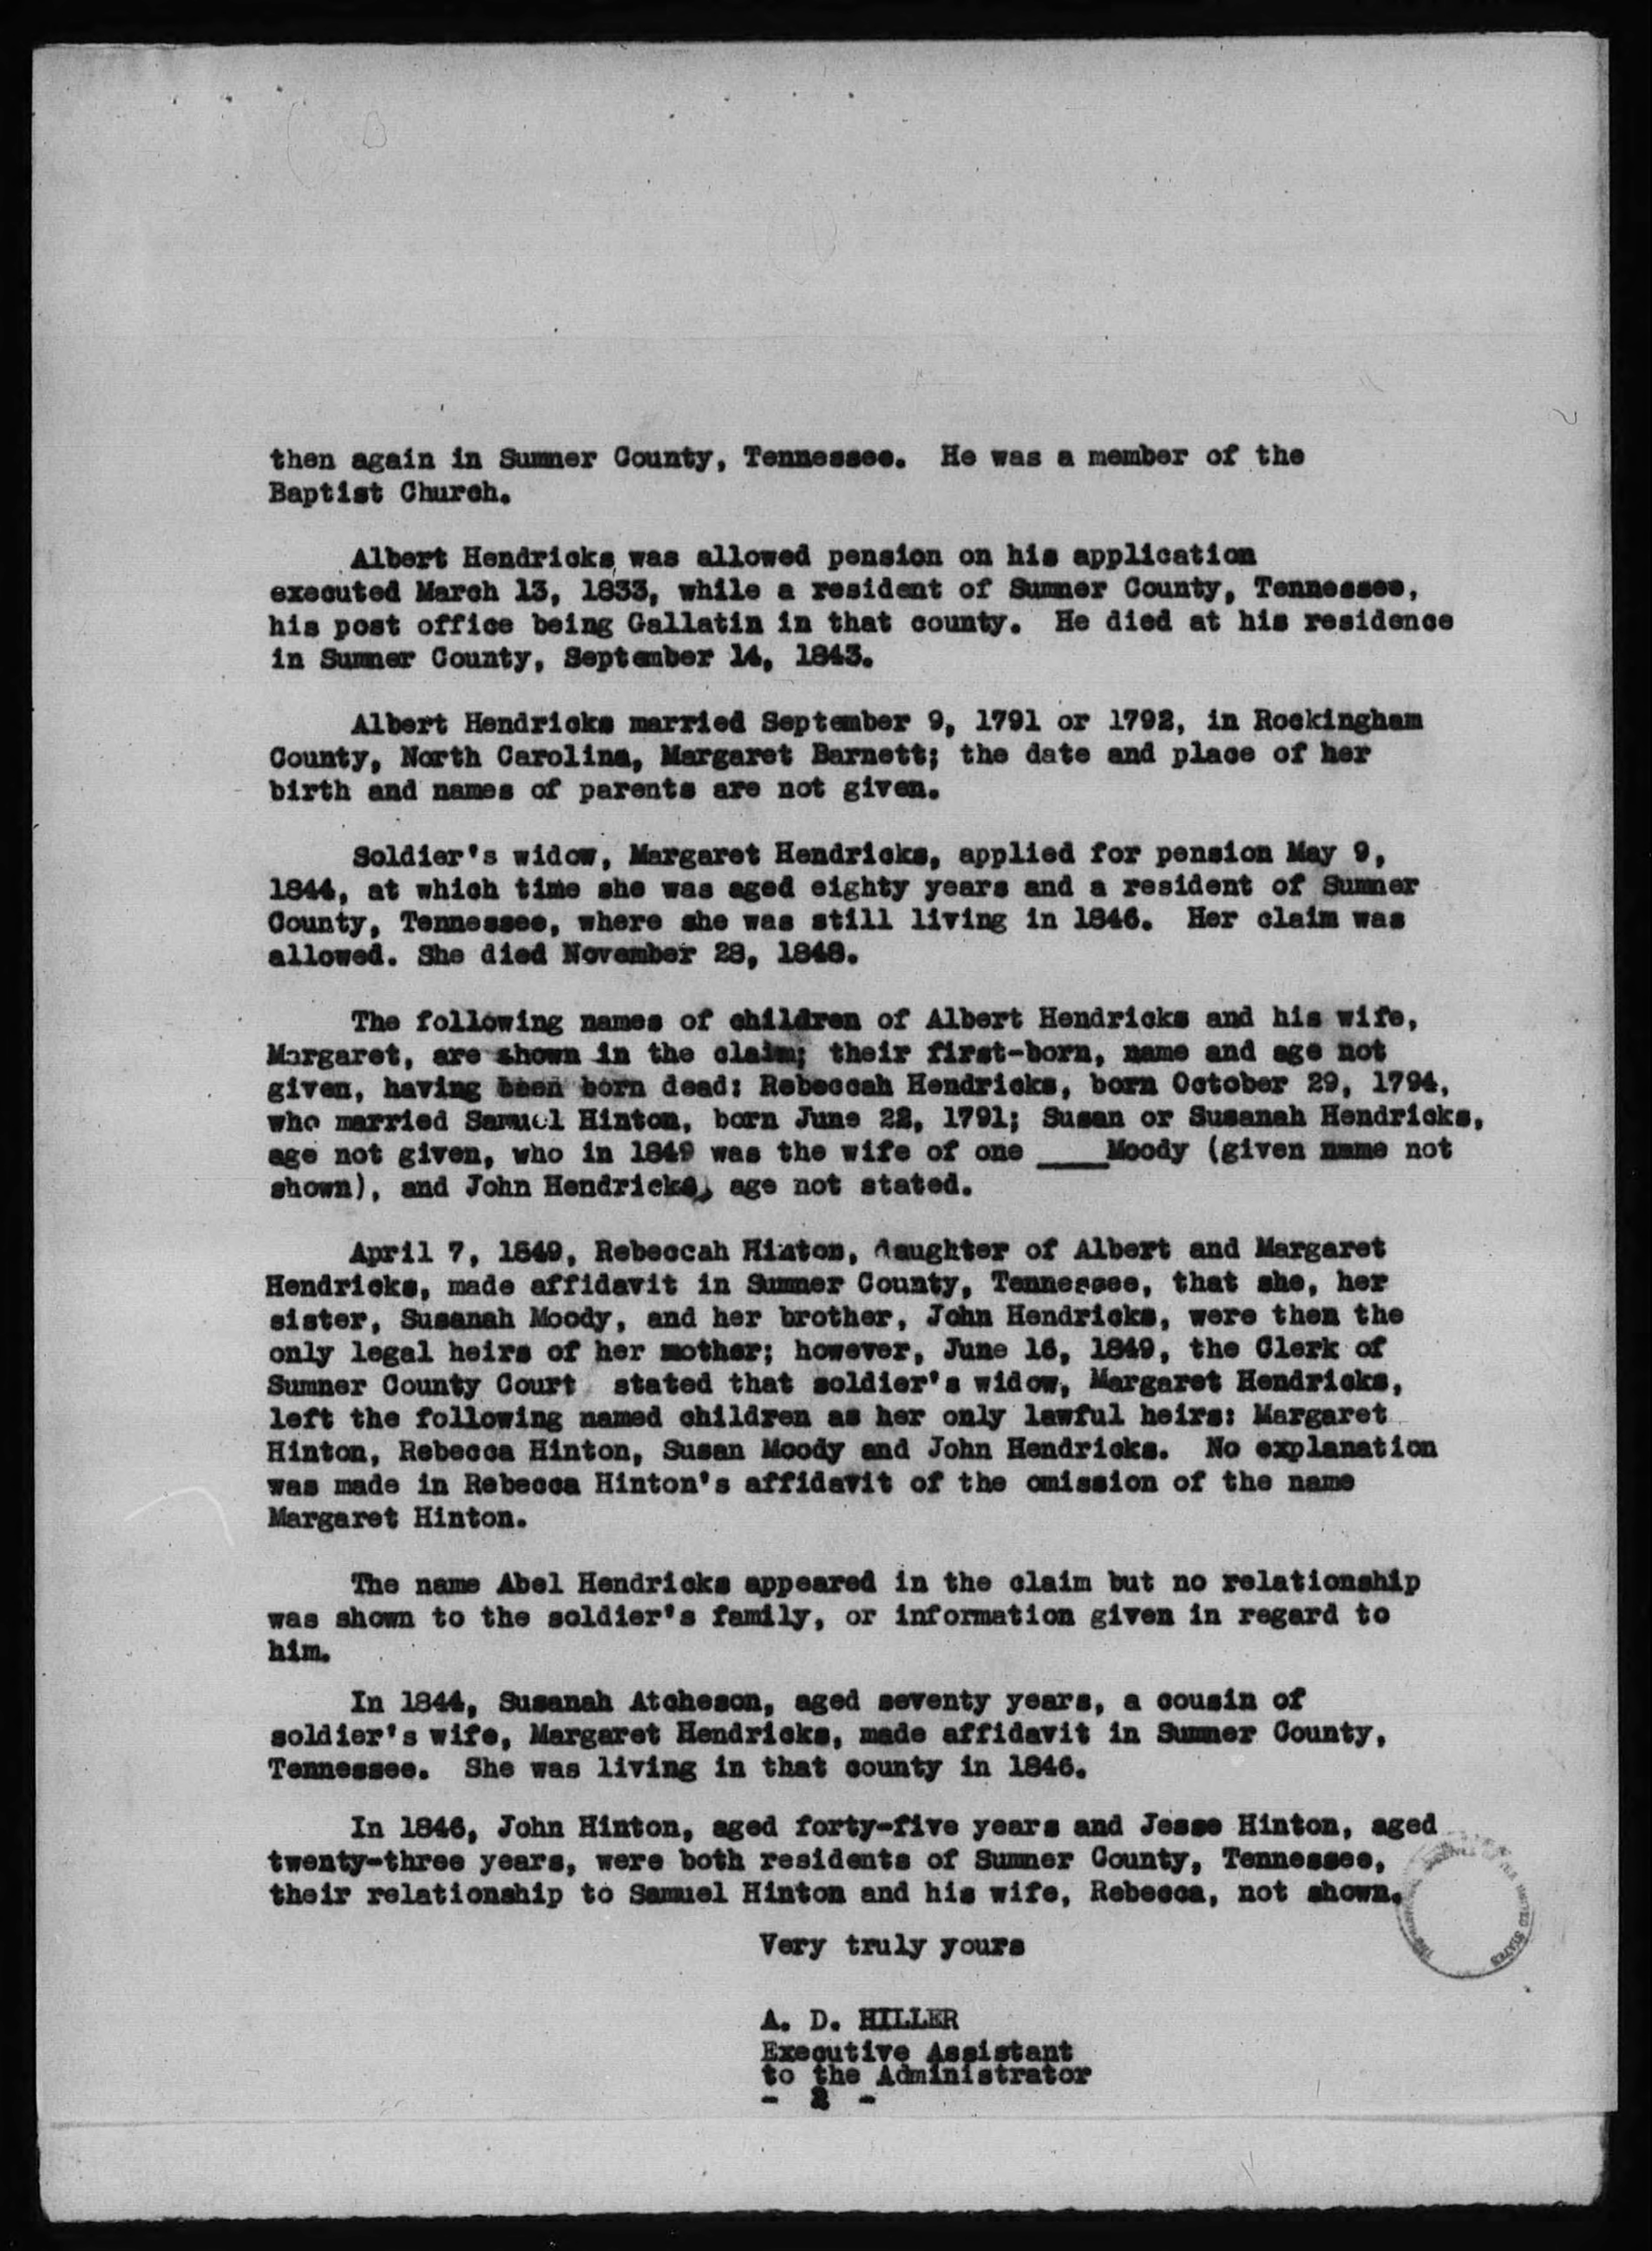then again in Sumner County, Tennessee.  He was a member of the 
Baptist Church.

Albert Hendricks was allowed pension on his application 
executed March 13, 1833, while a resident of Sumner County, Tennessee, 
his post office being Gallatin in that county.  He died at his residence 
in Sumner County, September 14, 1843.

Soldier's widow, Margaret Hendricks, applied for pension May 9, 
1844, at which time she was aged eighty years and a resident of Sumner 
County, Tennessee, where she was still living in 1846.  Her claim was 
allowed. She died November 28, 1848.

The following names of children of Albert Hendricks and his wife, 
Margaret, are shown in the claim; their first-born, name and age not 
given, having been born dead; Rebeccah Hendricks, born October 29, 1794, 
who married Samuel Hinton, born June 22, 1791; Susan or Susanah Hendricks, 
age not given, who in 1849 was the wife of one ___ Moody (given name not 
shown), and John Hendricks, age not stated.

April 7, 1849, Rebeccah Hinton, daughter of Albert and Margaret 
Hendricks, made affidavit in Sumner County, Tennessee, that she, her 
sister, Susanah Moody, and her brother, John Hendricks, were then the 
only legal heirs of her mother; however, June 16, 1849, the Clerk of 
Sumner County Court stated that soldier's widow, Margaret Hendricks, 
left the following named children as her only lawful heirs: Margaret 
Hinton, Rebecca Hinton, Susan Moody and John Hendricks.  No explanation 
was made in Rebecca Hinton's affidavit of the omission of the name 
Margaret Hinton.

The name Abel Hendricks appeared in the claim but no relationship 
was shown to the soldier's family, or information given in regard to 
him.

In 1844, Susanah Atcheson, aged seventy years, a cousin of 
soldier's wife, Margaret Hendricks,  made affidavit in Sumer County, 
Tennessee.  She was living in that county in 1846.

In 1846, John Hinton, aged forty-five years and Jesse Hinton, aged 
twenty-three years, were both residents of Sumner County, Tennessee, 
their relationship to Samuel Hinton and his wife, Rebecca, not shown.
[Circular stamp National Archives]
THE NATIONAL ARCHIVES OF THE UNITED STATES.

Very truly yours

A. D. HILLER
Executive Assistant 
to the Administrator

- 2 -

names: Albert Hendricks, Samuel Hinton, Albert Hendricks, Margaret Barnett, Jesse Hinton, Rebecca Hinton, Margaret Hendricks, John Hendricks, Rebeccah Hendricks, Albert Hendricks, John Hendricks, A D Hiller, Susan Moody, Rebecca Hinton, Margaret Hendricks, Susan Hendricks, Rebecca, Margaret Hendricks, Susanah Atcheson, Moody, John Hendricks, Abel Hendricks, Susanah Hendricks, Margaret Hinton, John Hinton, Rebeccah Hinton, Samuel Hinton, Margaret Hinton, Susanah Moody, Margaret, Albert Hendricks, Margaret Hendricks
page: 72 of 76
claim: widow's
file: W. 83, Albert Hendricks, Continental Md. N.C.